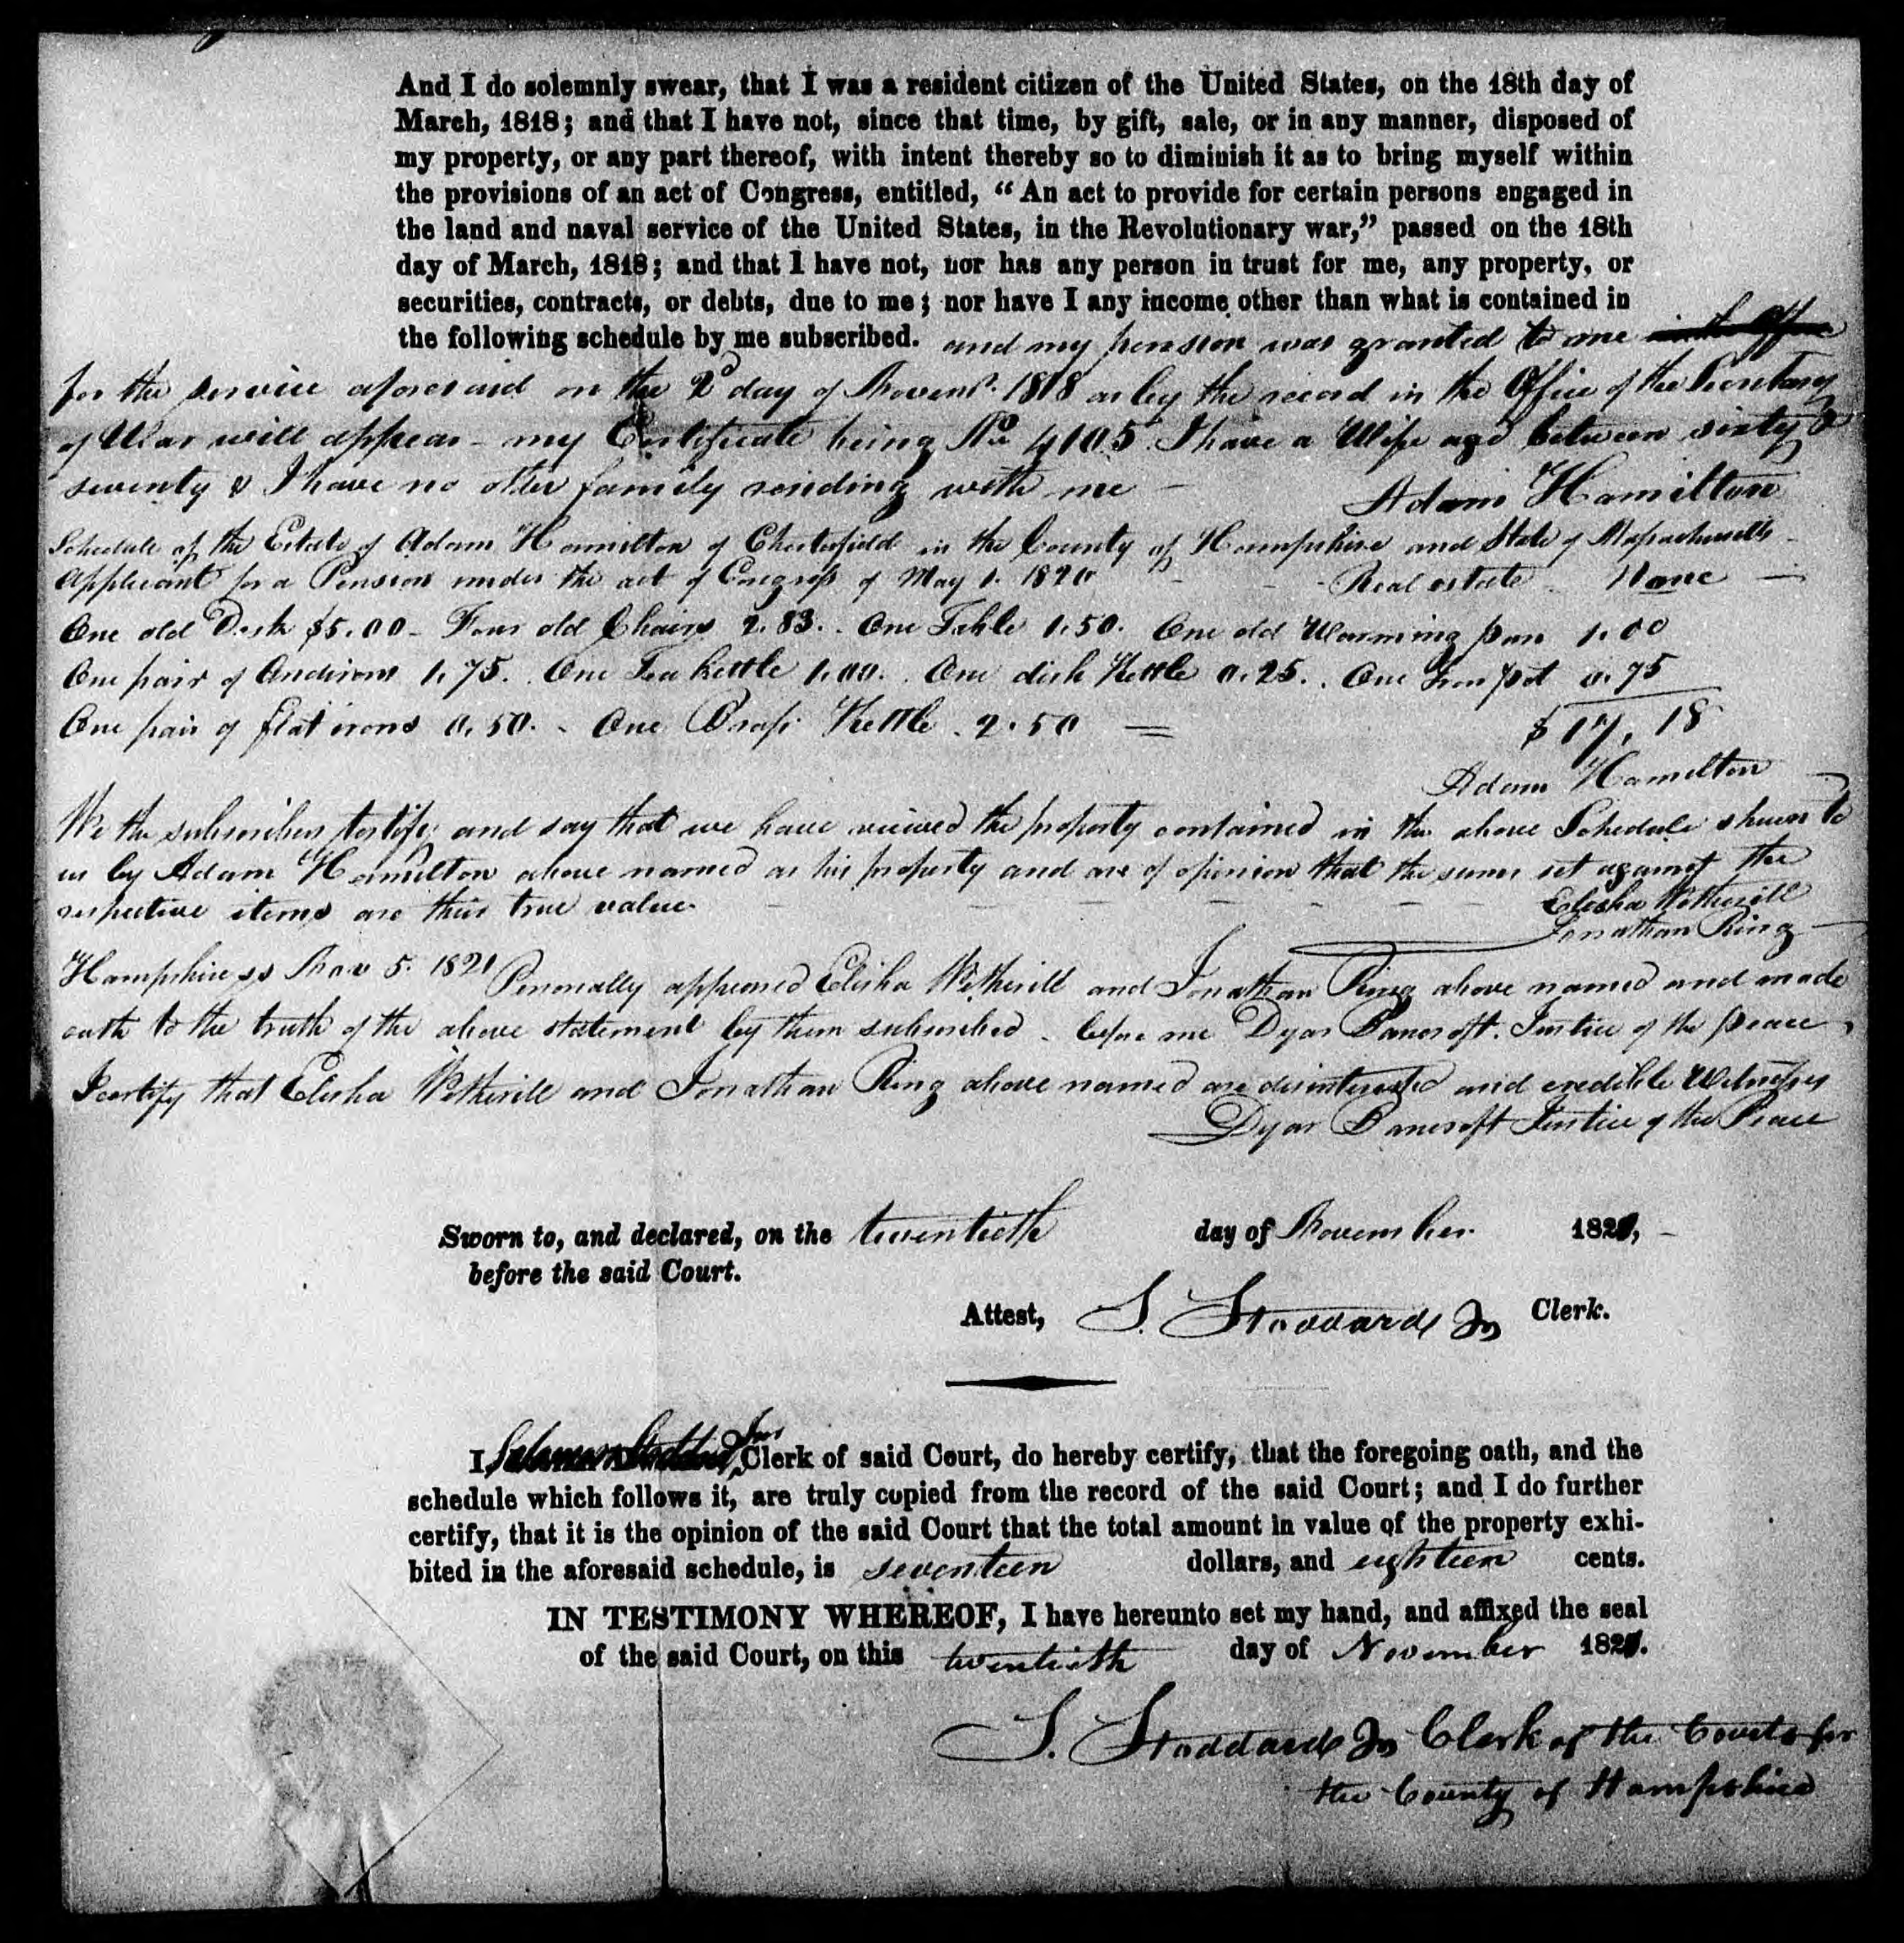And I do solemnly swear, that I was a resident citizen of the United States, on the 18th day of March 1818; and that I have not, since that time, by gift, sale, or in any manner, disposed of my property, or any part thereof, with the intent thereby so to diminish it as to bring myself within the provision of an act  of Congress entitled: "An act to provide for certain persons engaged in the land and naval service of the United States,in the Revolutionary War," passed on the 18th day of March, 1818; and that I have not, not has any person in trust for me, any property, or securities, contracts, or debts, due to me; nor have I any income other than what is contained in the following schedule by me subscribed. And my pension was granted to me for the service aforesaid on the 2nd day of November 1818 as by the record in the Office of the Secretary of War will appear - my Certificate being No. 4105. I have a wife aged between sixty & seventy & I have no other family residing with me.  
                                               //s//
                                      Adam Hamilton
Schedule of the Estate of Adam Hamilton of Chesterfield in the County of Hampshire and State of Massachusetts, applicant for a Pension under the act of Congress of May 1, 1820, 
Real estate - none. 
One old desk - $5.00
Four old chairs - 2.83
One table - 1.50
One old warming pan - 1.00
One pair of andirons - 1.75
One tea kettle - 1.00
One dish kettle 0.25
One tea pot - 0.75
One pair of flat irons - 0.50
One brass kettle - 2.50 =   $17.18
                                                    //s//
                                         Adam Hamilton

We the subscribers testify and say that we have received the property contained in the above schedule shown to us by Adam Hamilton above-named as his property and are of the opinion that the sum set against the respective items are their true value.
                                                 //s//
                                            Elisha Witherill
                                           Jonathan King  

Hampshire} ss.
Nov. 5, 1821

   Personally appeared Elisha Witherill and Jonathan King above named and made oath to the truth of the above statement by the subscriber, before one Dyar Bancroft Justice of the Peace & certify that Elisha Witherill and Jonathan King above-named are disinterested and credible witnesses.
                                            //s//
               Dyar Bancroft Justice of the Peace

Sworn to, and declared on the twentieth day of November 1821.
                      Attest, S. Stoddard Jr. Clerk

I S. Stoddard Clerk of said Court, do hereby certify, that the foregoing oath, and the schedule which follows it, are truly copied from the record of the said Court; and I do further certify, that it is the opinion of the said Court that the total amount in value of the property exhibited in the aforesaid schedule, is seventeen dollars and eighteen cents.

   In testimony whereof, I have hereunto set my hand, and affixed the seal of the said Court, on this twentieth day of November 1821.
                                          //s//
                        S. Stoddard Jr. Clerk of the                  for the County of Hampshire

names: Adam Hamilton, Adam Hamilton, Jonathan King, Elisha Witherill, Elisha Witherill, Dyar Bancroft, Elisha Witherill, Jonathan King, Jonathan King, Solomon Stoddard, Dyar Bancroft, S Stoddard, Adam Hamilton, S Stoddard, Adam Hamilton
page: 9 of 12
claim: survivor's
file: S. 32796, Adam Hamilton, Penn.